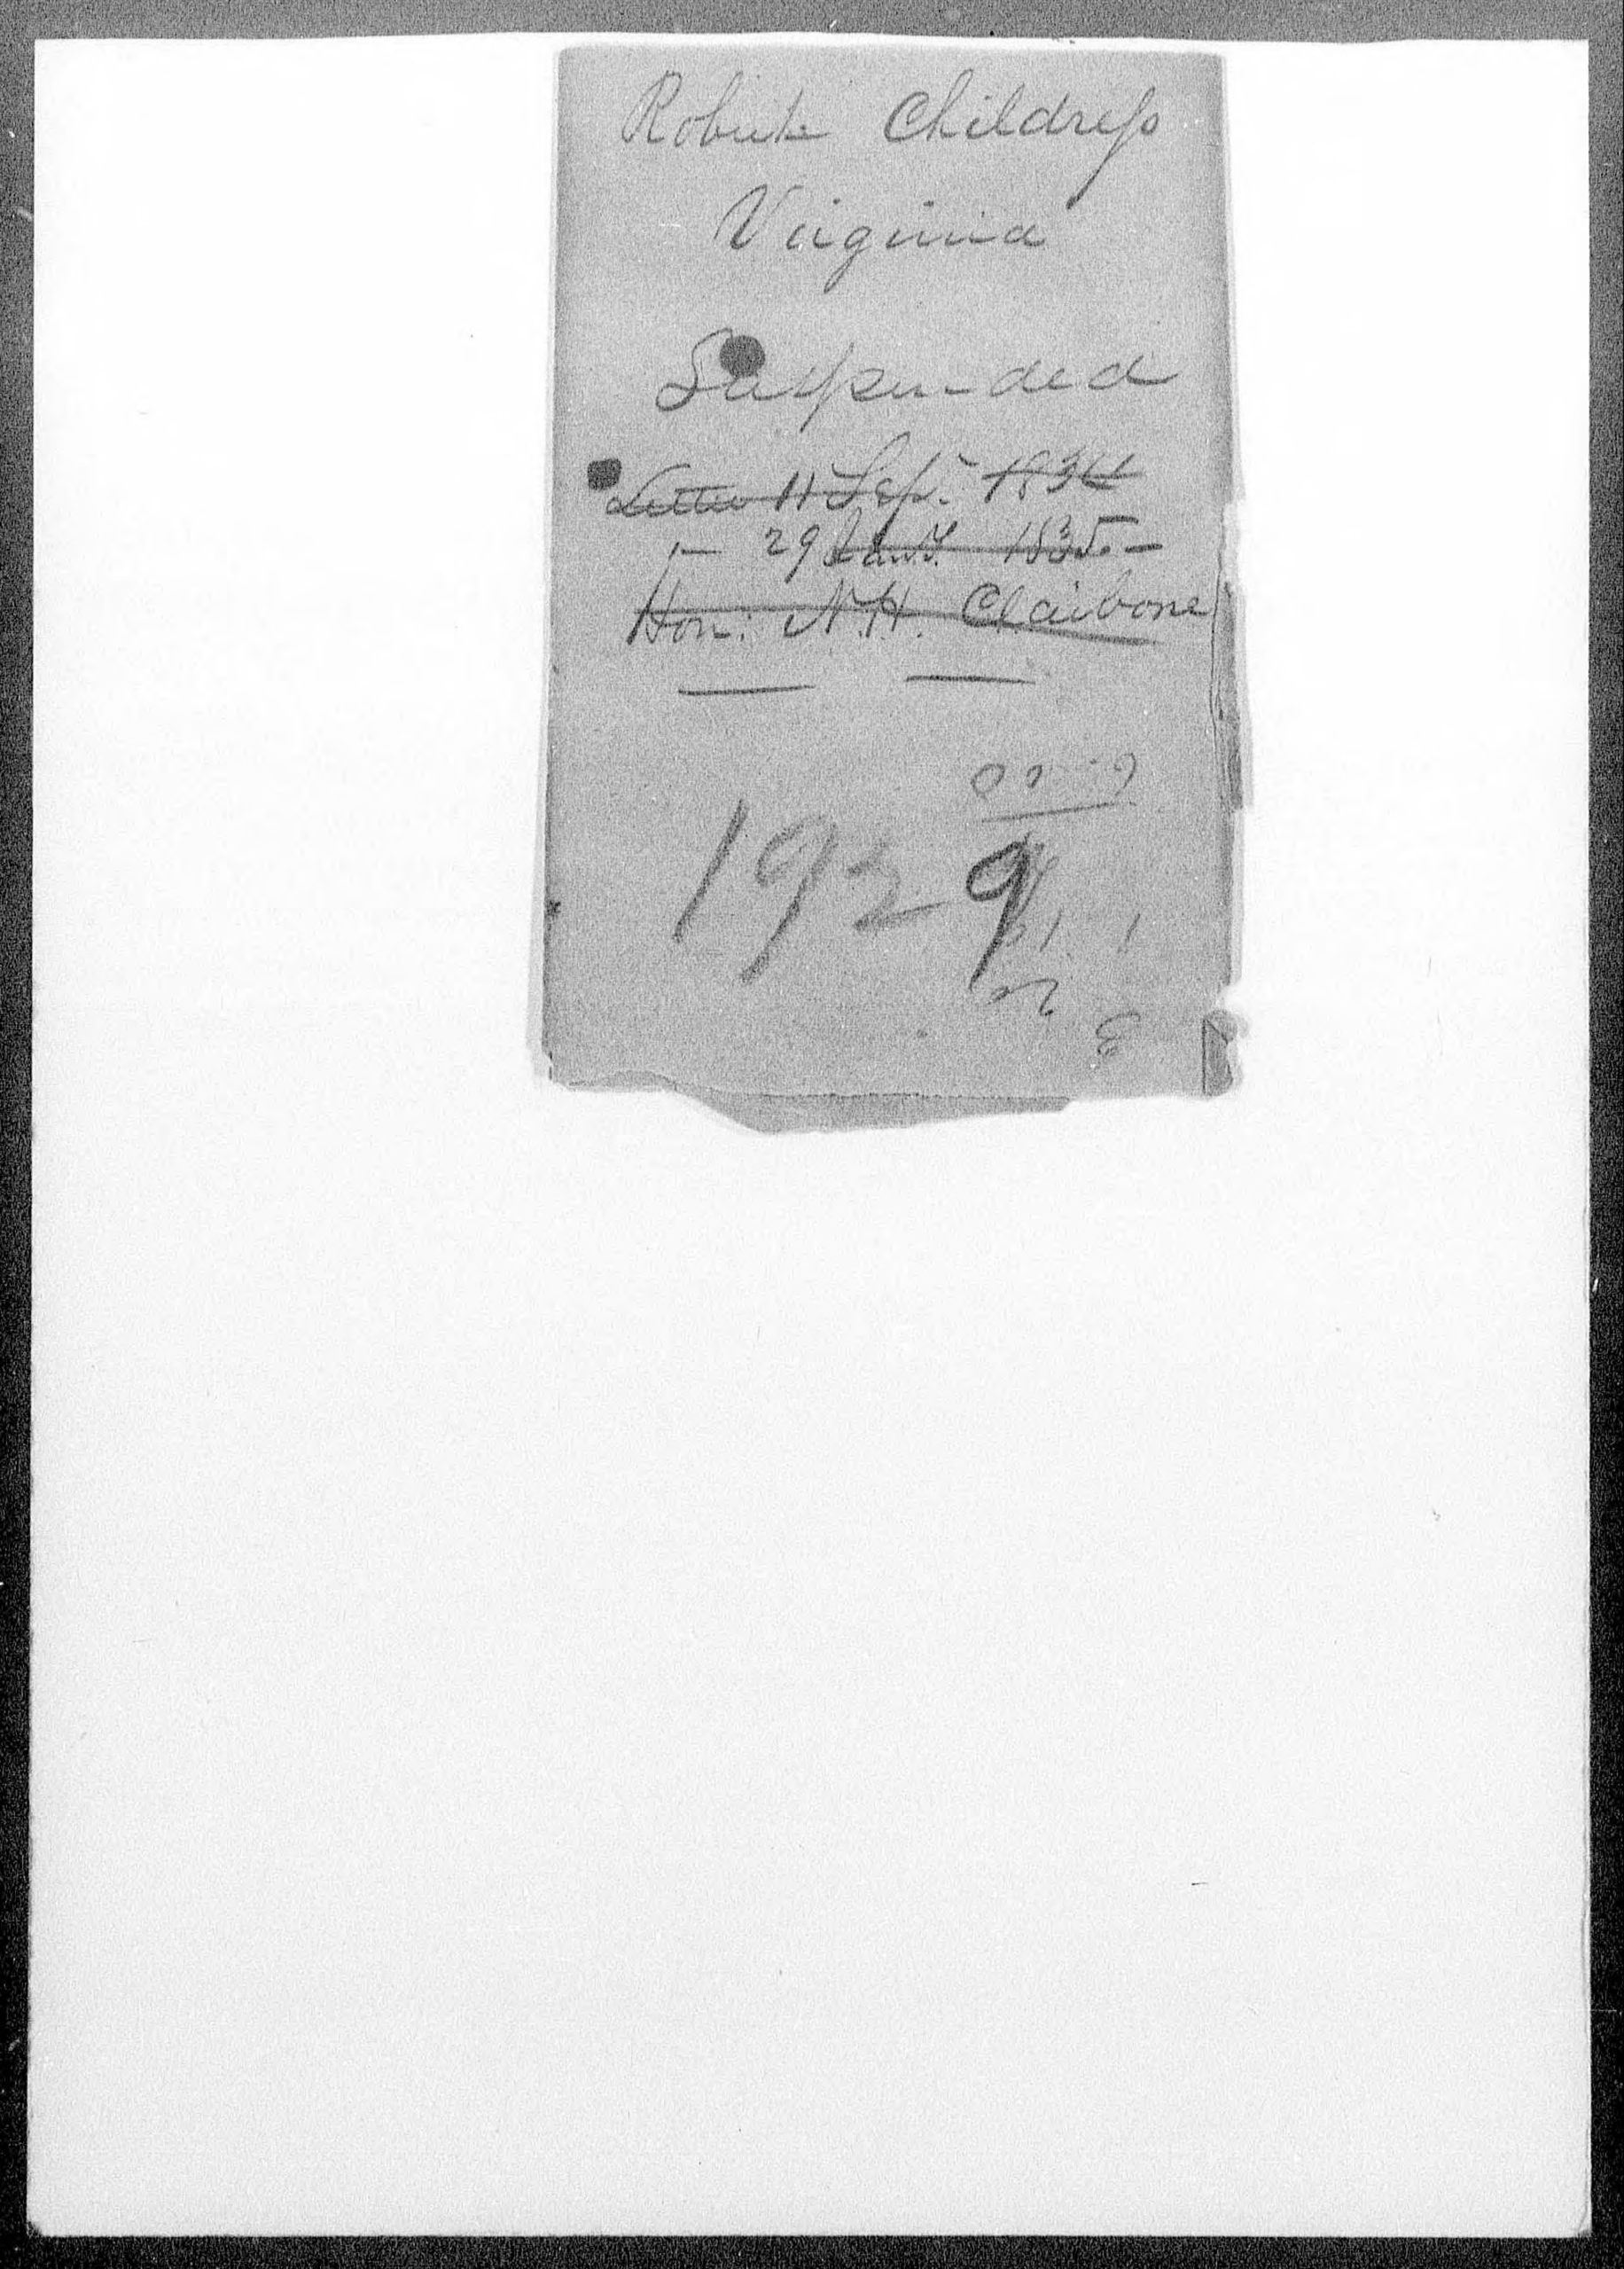Robert Childress
Virginia
Suspended
[illegible] 11Sept. 1834 [slashed through]
29 Jan 1835 [slashed through]
Hon N.H. Claiborne [slashed through]

1929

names: Robert Childress, N H Claibone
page: 18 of 25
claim: rejected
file: R. 1929, Robert Childress, Va